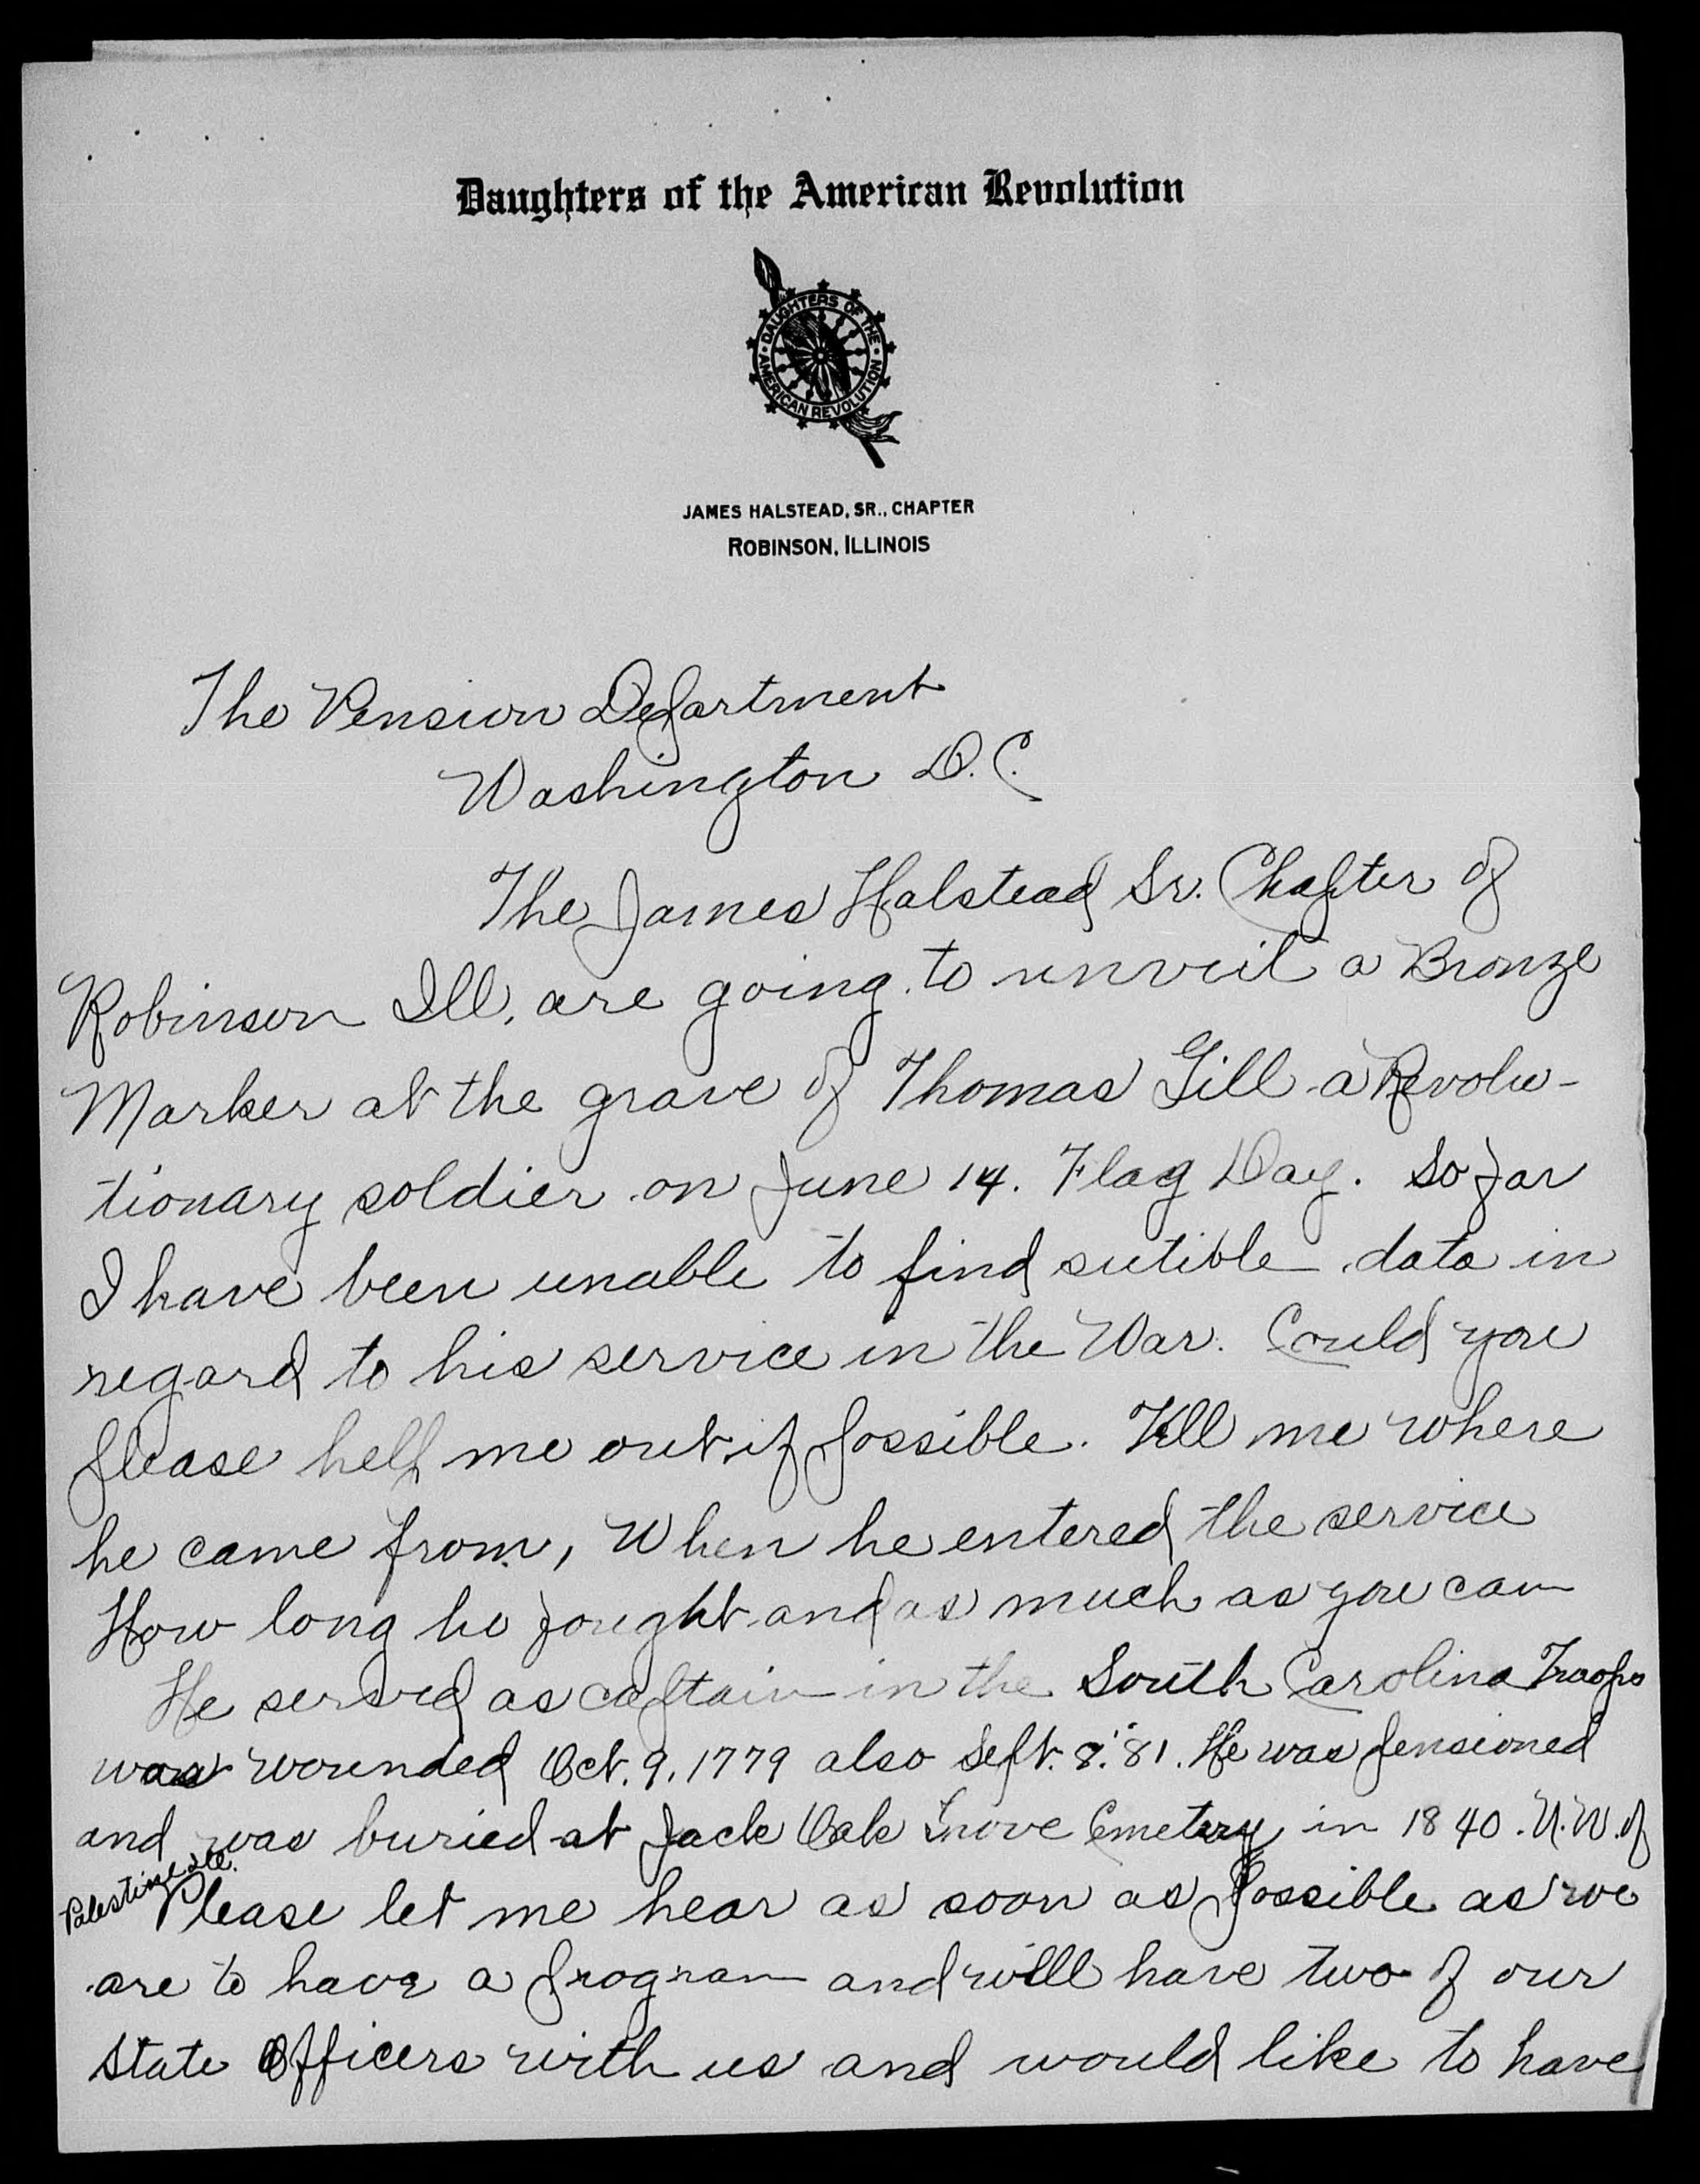Daughters of the American Revolution
JAMES HALSTEAD, SR., CHAPTER
ROBINSON, ILLINOIS
The Pension Department
Washington D.C
The James Halstead Sr. Chapter of
Robinson Ill, are going to unveil a Bronze Marker at the grave of Thomas Gill a Revolutionary
soldier on June 14, Flag Day. So far
I have been unable to find suitible data in regard to his service in the War. Could you please tell me out if possible, tell me where he came from, when he entered the service How long he fought and as much as you can He served as captain in the South Carolina Troops was wounded Oct. 9, 1779 also Sept. 8.81. He was pensioned and was buried at Jack Oak Grove Cemetery in 1840. N.W. of Palestine Ill.
Please let me hear as soon as possible as we are to have a program and will have two of our State officers with us and would like to have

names: James Halstead, James Halstead, Thomas Gill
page: 39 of 44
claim: survivor's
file: S. 31,061, Thomas Gill, S.C.